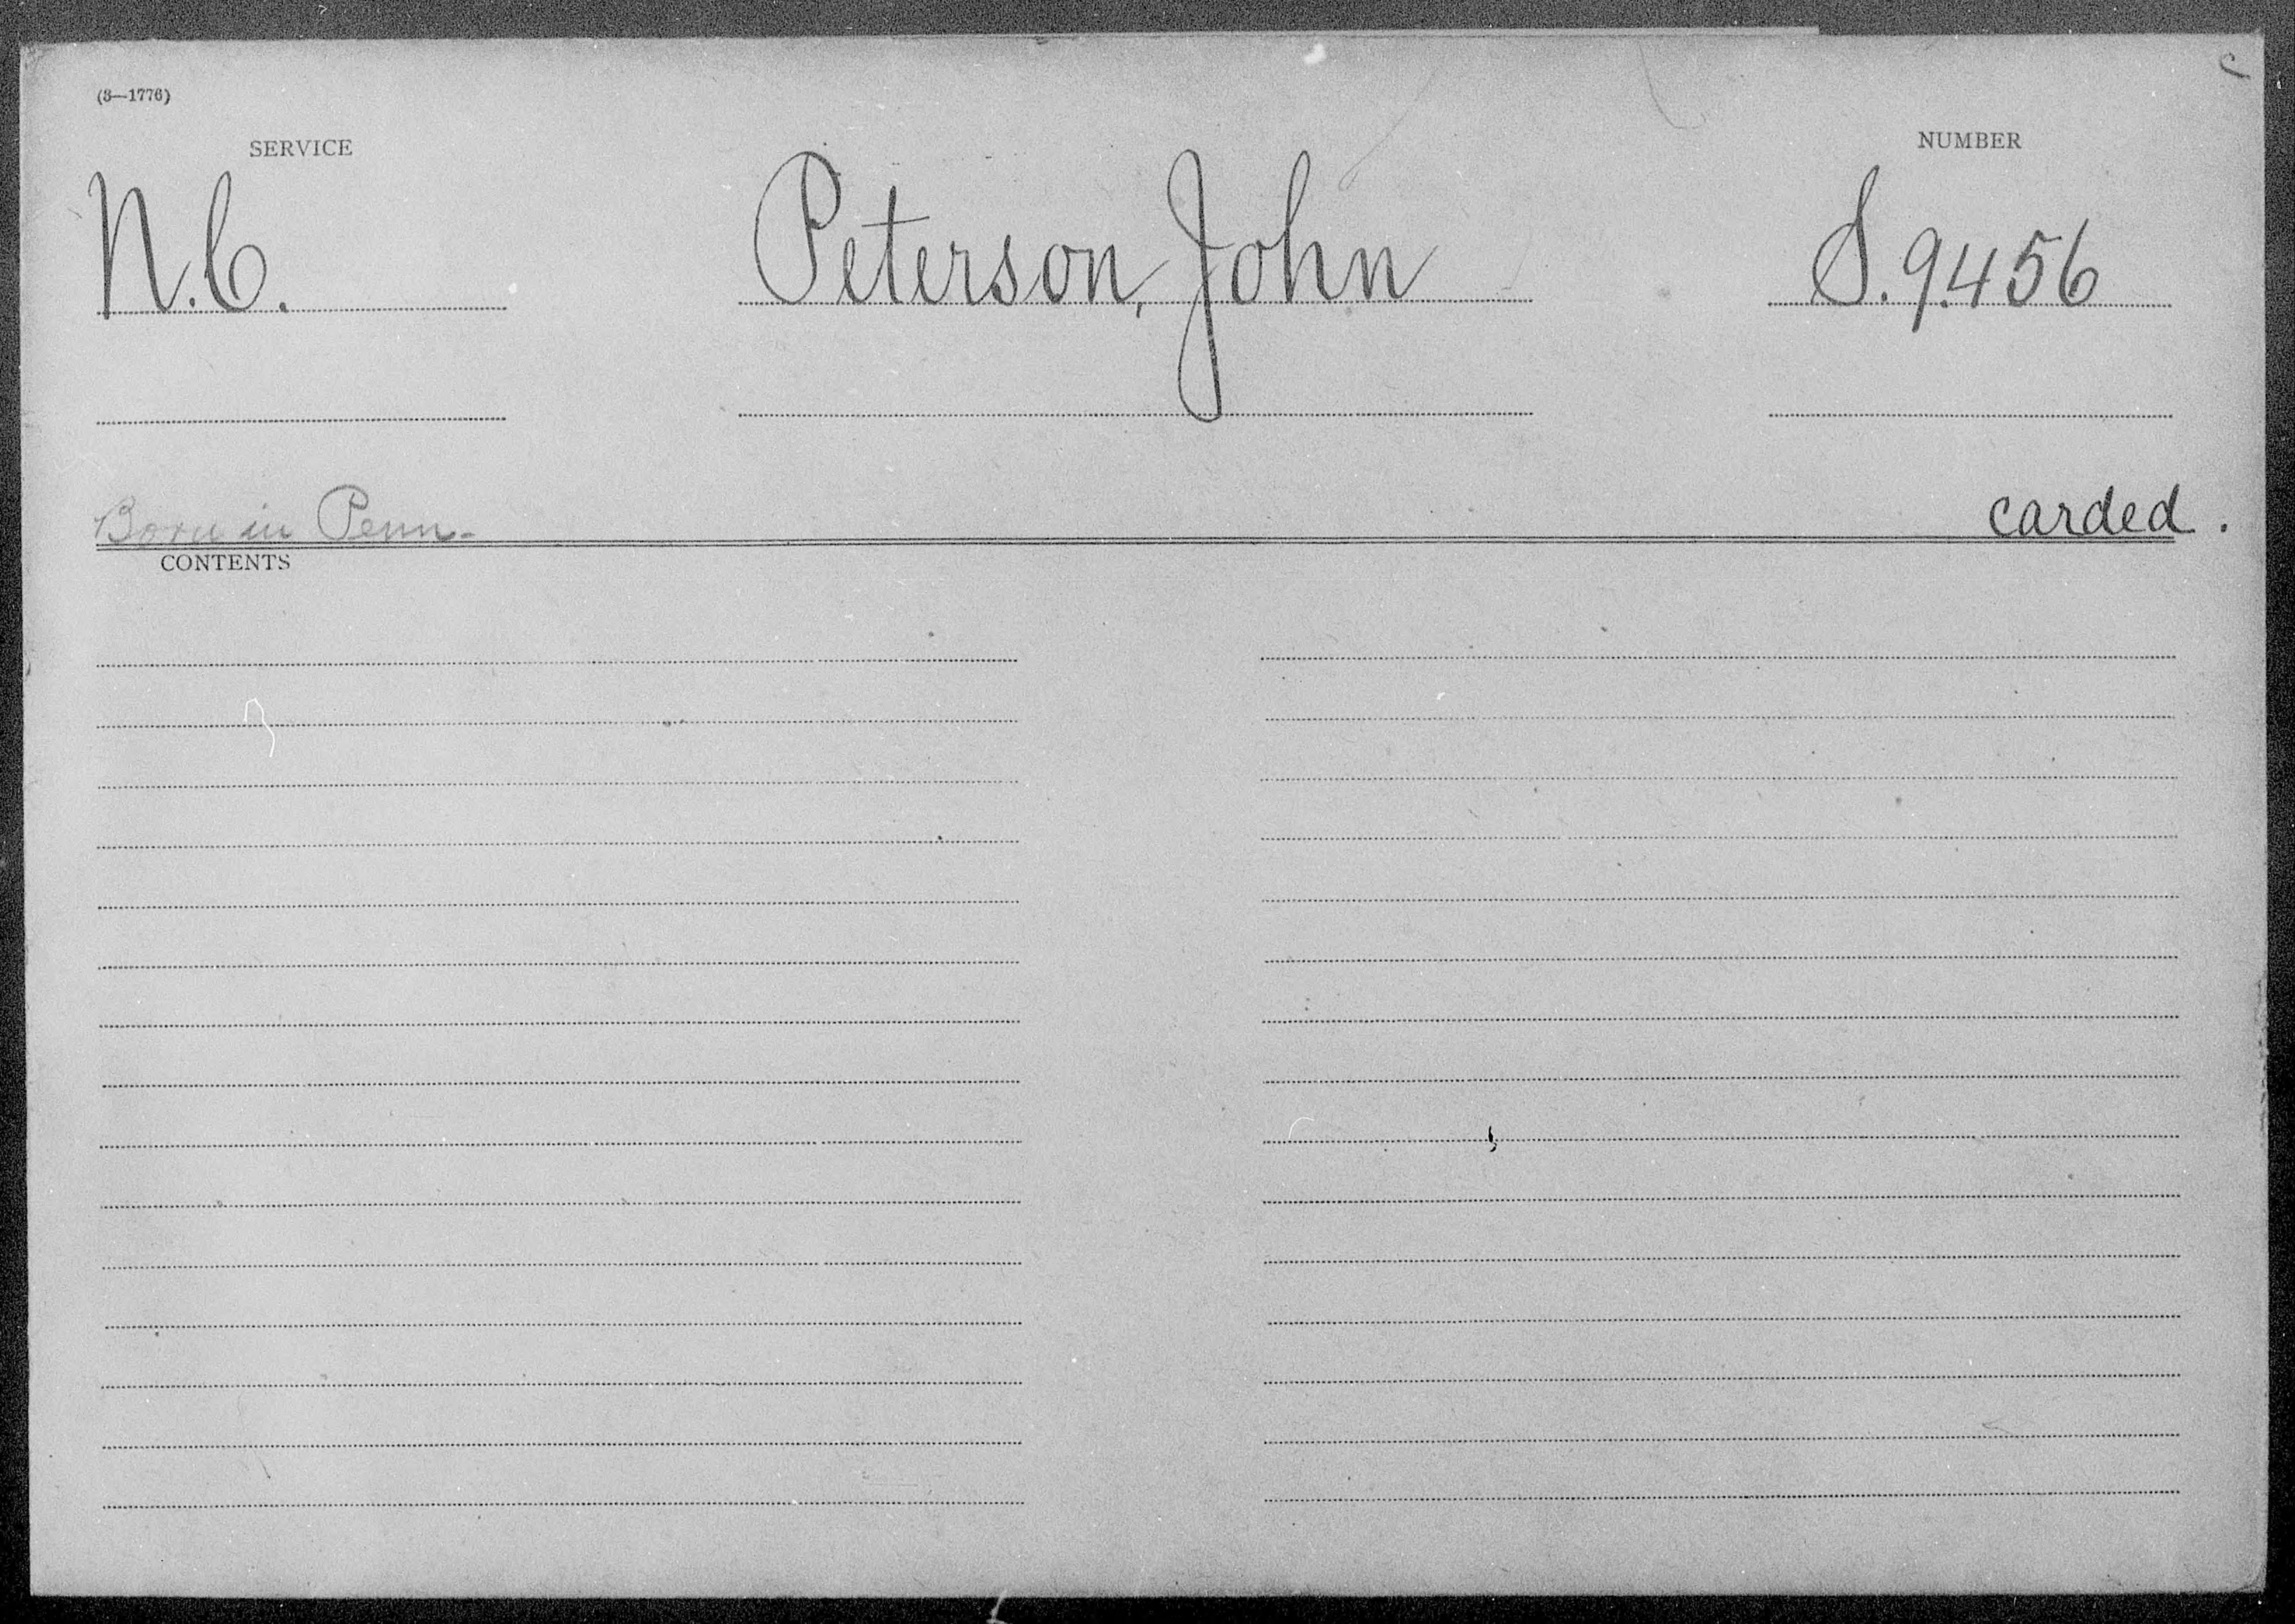SERVICE   N.C.
Peterson, John
NUMBER S.9.456
Born in Penn
carded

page: 1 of 13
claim: survivor's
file: S. 9,456, for John Peterson, North Carolina